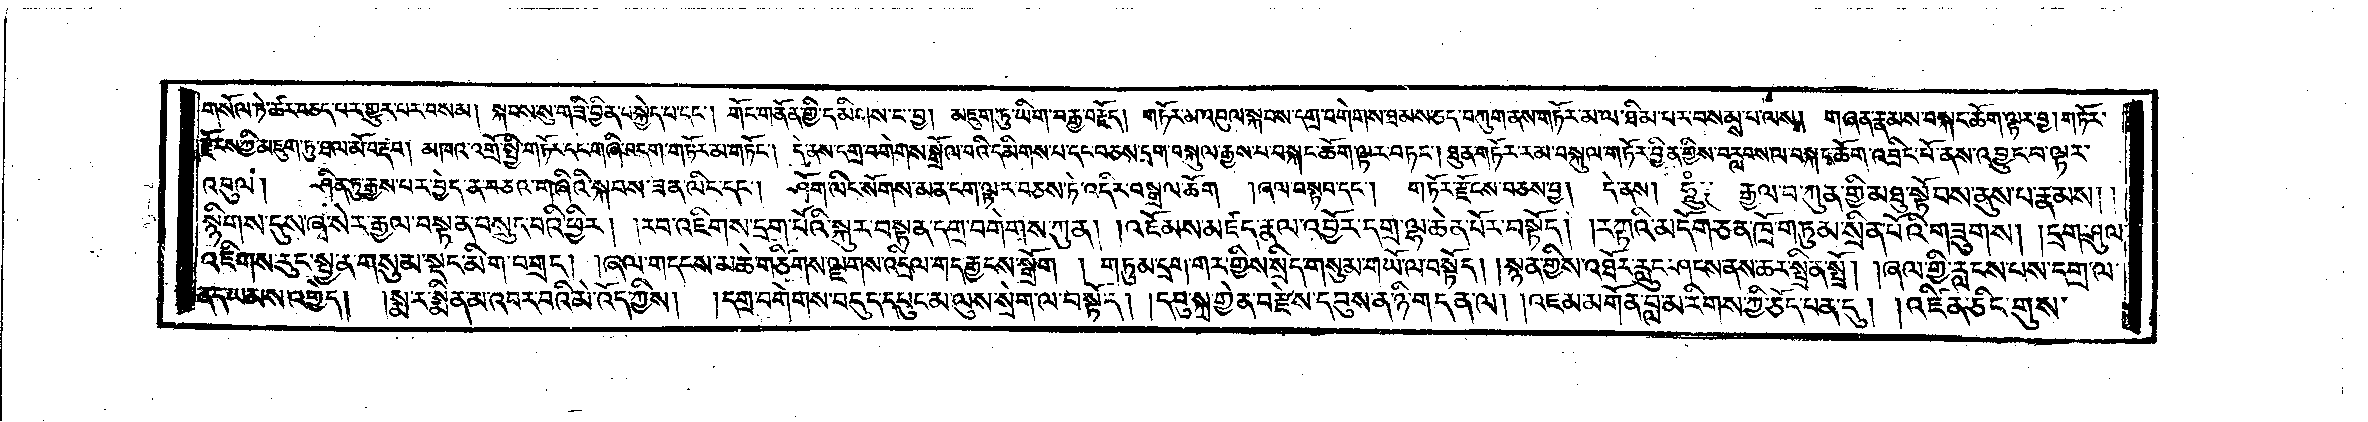གསོལ་ཏེ་ཚར་བཅད་པར་གྱུར་པར་བསམ། སྐབས་སུ་གཟི་བྱིན་བསྐྱེད་པ་དང་། གོང་གནོན་གྱི་དམིགས་པ་བྱ། མཇུག་ཏུ་ཡིག་བརྒྱ་བརྗོད། གཏོར་མ་འབུལ་སྐབས་དགྲ་བགེགས་ཐམས་ཅད་བཀུག་ནས་གཏོར་མ་ལ་ཐིམ་པར་བསམས་པ་ལས། གཞན་རྣམས་བསྐང་ཆོག་ལྟར་བྱ། གཏོར་
རྫོགས་ཀྱི་མཇུག་ཏུ་ཐལ་མོ་བརྡབ། མཁའ་འགྲོ་སྤྱི་གཏོར་དང་གཞི་བདག་གཏོར་མ་གཏོར། དེ་ནས་དགྲ་བགེགས་སྒྲོལ་བའི་དམིགས་པ་དང་བཅས་དྲག་བསྐུལ་རྒྱས་པ་བསྐང་ཆོག་ལྟར་བཏང་། ཐུན་གཏོར་རམ་བསྐུལ་གཏོར་བྱིན་གྱིས་བརླབས་ལ་བསྐང་ཆོག་འབྲིང་པོ་ནས་འབྱུང་བ་ལྟར་
འབུལ། ཤིན་ཏུ་རྒྱས་པར་བྱེད་ན་བཅའ་གཞིའི་སྐབས་ཟན་ལིང་དང་། ཤོག་ལིང་སོགས་མན་ངག་ལྟར་བཅས་ཏེ་འདིར་བསྒྲལ་ཆོག །ཞལ་བསྟབ་དང་། གཏོར་རྫོངས་བཅས་བྱ། དེ་ནས། ཧཱུཾ༑ རྒྱལ་བ་ཀུན་གྱི་མཐུ་སྟོབས་ནུས་པ་རྣམས། །
སྙིགས་དུས་ཞྭ་སེར་རྒྱལ་བསྟན་བསྲུང་བའི་ཕྱིར། །རབ་འཇིགས་དྲག་པོའི་སྐུར་བསྟན་དགྲ་བགེགས་ཀུན། །འཇོམས་མཛད་རྣལ་འབྱོར་དགྲ་ལྷ་ཆེན་པོར་བསྟོད། །རཀྟའི་མདོག་ཅན་འཁོར་གཏུམ་སྲིན་པོའི་གཟུགས། །དྲག་ཤུལ་
འཇིགས་རུང་སྤྱན་གསུམ་སྡང་མིག་བགྲད། །ཞལ་གདངས་མཆེ་གཙིགས་ལྗགས་འདྲིལ་གད་རྒྱངས་སྒྲོག། གཏུམ་དྲག་གར་གྱིས་སྲིད་གསུམ་གཡོ་ལ་བསྟོད། །སྙན་གྱིས་འཐོར་རླུང་ཤངས་ནས་ཆར་སྲིན་སྤྲོ། །ཞལ་གྱི་རླངས་པས་དགྲ་ལ་
ནད་ཡ་མས་འགྱེད། །སྨ་ར་སྨིན་མ་འབར་བའི་མེ་འོད་ཀྱིས། །དགྲ་བགེགས་བདུད་དཔུང་མ་སུ་སྲེག་ལ་བསྟོད། །དབུ་སྐྲ་གྱེན་བརྫེས་དབུས་ན་ཉི་གདན་ལ། །འཇམ་མགོན་བླ་མ་རིགས་ཀྱི་ཅོད་པན་དུ། །འཛིན་ཅིང་གུས་